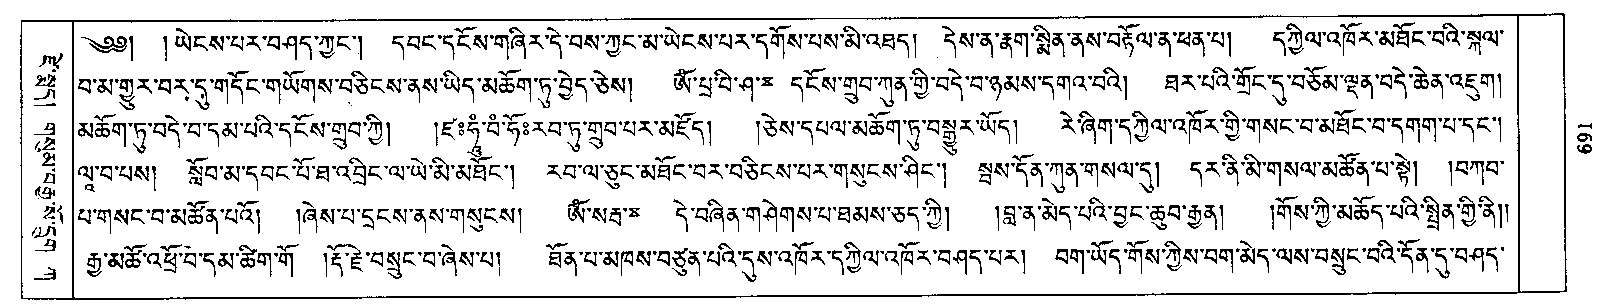༄༅། །ཡེངས་པར་བཤད་ཀྱང་། དབང་དངོས་གཞིར་དེ་བས་ཀྱང་མ་ཡེངས་པར་དགོས་པས་མི་འཐད། དེས་ན་རྣག་སྨིན་ནས་བརྟོལ་ན་ཕན་པ། དཀྱིལ་འཁོར་མཐོང་བའི་སྐལ་
བ་མ་གྱུར་བར་དུ་གདོང་གཡོགས་བཅིངས་ནས་ཡིད་མཆོག་ཏུ་བྱེད་ཅེས། ཨོཾ་པྲ་བི་ཤ་྾་དངོས་གྲུབ་ཀུན་གྱི་བདེ་བ་ཉམས་དགའ་བའི། ཐར་པའི་གྲོང་དུ་བཅོམ་ལྡན་བདེ་ཆེན་འཇུག།
མཆོག་ཏུ་བདེ་བ་དམ་པའི་དངོས་གྲུབ་ཀྱི། །ཛཿ ཧཱུཾ་བཾ་ཧོཿ རབ་ཏུ་གྲུབ་པར་མཛོད། །ཅེས་དཔལ་མཆོག་ཏུ་བསྒྱུར་ཡོད། རེ་ཞིག་དཀྱིལ་འཁོར་གྱི་གསང་བ་མཐོང་བ་དགག་པ་དང་།
ལཱ་བ་པས། སློབ་མ་དབང་པོ་ཐ་འབྲིང་ལ་ཡེ་མི་མཐོང་། རབ་ལ་ཅུང་མཐོང་བར་བཅིངས་པར་གསུངས་ཤིང་། སྦས་དོན་ཀུན་གསལ་དུ། དར་ནི་མི་གསལ་མཚོན་པ་སྟེ། །བཀབ་
པ་གསང་བ་མཚོན་པའོ། །ཞེས་པ་དྲངས་ནས་གསུངས། ཨོཾ་སརྦ་྾་དེ་བཞིན་གཤེགས་པ་ཐམས་ཅད་ཀྱི། །བླ་ན་མེད་པའི་བྱང་ཆུབ་རྒྱན། །གོས་ཀྱི་མཆོད་པའི་སྤྲིན་གྱི་ནི།།
རྒྱ་མཚོ་འཕྲོ་བ་དམ་ཚིག་གོ །རྡོ་རྗེ་བསྲུང་བ་ཞེས་པ། ཐོན་པ་མཁས་བཙུན་པའི་དུས་འཁོར་དཀྱིལ་འཁོར་བཤད་པར། བག་ཡོད་གོས་ཀྱིས་བག་མེད་ལས་བསྲུང་བའི་དོན་དུ་བཤད་